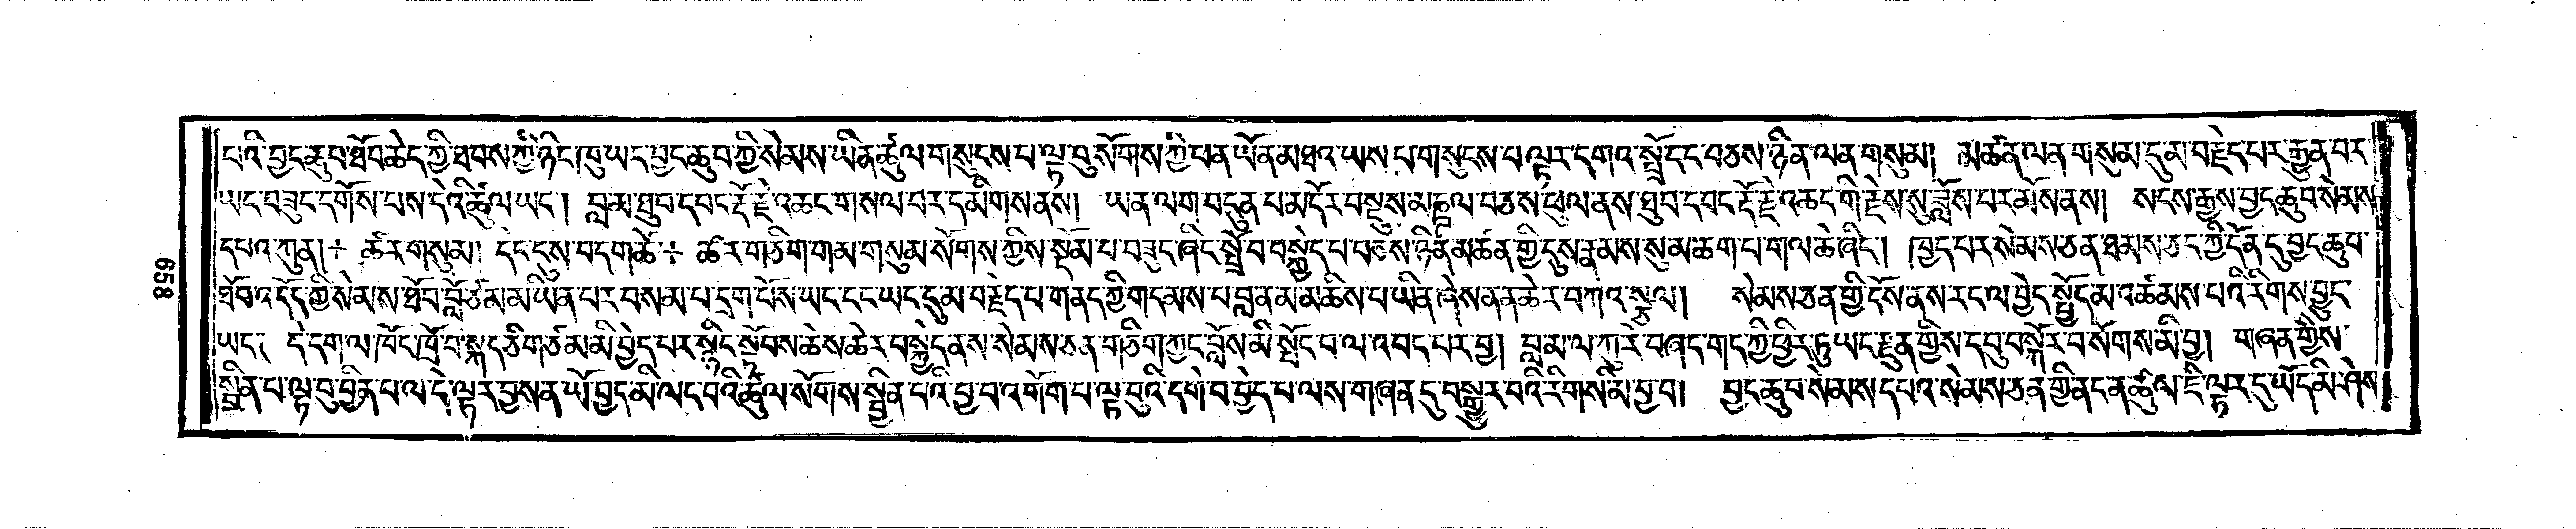པའི་བྱང་ཆུབ་ཐོབ་ཆེད་ཀྱི་ཐབས་ཀྱི་ཉིང་ཁུ་ཡང་བྱང་ཆུབ་ཀྱི་སེམས་ཡིན་ཚུལ་གསུངས་པ་ལྟ་བུ་སོགས་ཀྱི་ཕན་ཡོན་མཐའ་ཡས་པ་གསུངས་པ་ལྟར་དགའ་སྤྲོ་དང་བཅས་ཉིན་ལན་གསུམ། མཚན་ལན་གསུམ་དུ་མ་བརྗེད་པར་རྒྱུན་བར་
ཡང་བཟུང་དགོས་པས་དེའི་ཚུལ་ཡང་། བླ་མ་ཐུབ་དབང་རྡོ་རྗེ་འཆང་གསལ་བར་དམིགས་ནས། ཡན་ལག་བདུན་པ་མདོར་བསྡུས་མཎྜལ་བཅས་ཕུལ་ནས་ཐུབ་དབང་རྡོ་རྗེ་འཆང་གི་རྗེས་སུ་ཟློས་པར་མོས་ནས། སངས་རྒྱས་བྱང་ཆུབ་སེམས་
དཔའ་ཀུན། +་ཚར་གསུམ། དེང་དུས་བདག་ཚེ་+་ཚར་གཅིག་གམ་གསུམ་སོགས་ཀྱིས་སྡོམ་པ་བཟུང་ཞིང་སྤྲོ་བ་བསྐྱེད་པ་བཅས་ཉིན་མཚན་གྱི་དུས་རྣམས་སུ་མ་ཆག་པ་གལ་ཆེ་ཞིང་། ཁྱད་པར་སེམས་ཅན་ཐམས་ཅད་ཀྱི་དོན་དུ་བྱང་ཆུབ་
ཐོབ་འདོད་ཀྱི་སེམས་ཐོབ་བློ་ཙམ་མ་ཡིན་པར་བསམ་པ་དྲག་པོས་ཡང་དང་ཡང་དུ་མ་བརྗེད་པ་གནད་ཀྱི་གདམས་པ་བླ་ན་མཆིས་པ་ཡིན་ཞེས་ནན་ཆེར་བཀའ་སྩལ། སེམས་ཅན་གྱི་ངོས་ནས་རང་ལ་བྱེད་སྤྱོད་མ་འཚམས་པའི་རིགས་བྱུང་
ཡང༑ དེ་དག་ལ་ཁོང་ཁྲོ་བསྐད་ཅིག་ཙམ་མི་བྱེད་པར་སྙིང་སྟོབས་ཆེར་ཆེར་བསྐྱེད་ནས་སེམས་ཅན་གཅིག་ཀྱང་བློས་མི་སྤོང་བ་ལ་འབད་པར་བྱ། བླ་མ་ལ་ཀུ་རེ་བཞད་གད་ཀྱི་ཕྱིར་ཏུ་ཡང་རྫུན་གྱིས་དབུ་བསྐོར་བ་སོགས་མི་བྱ། གཞན་གྱིས་
སྤྲིན་པ་ལྟ་བུ་བྱིན་པ་ལ་དེ་ལྟར་བྱས་ནས་ཡོ་བྱད་མི་ལང་བའི་ཚུལ་སོགས་སྤྱིན་པའི་བྱ་བ་འགོག་པ་ལྟ་བུའི་དགེ་བ་བྱེད་པ་ལས་གཞན་དུ་བསྒྱུར་བའི་རིགས་མི་བྱ་བ། བྱང་ཆུབ་སེམས་དཔའ་སེམས་ཅན་གྱི་ནང་ན་ཚུལ་ཇི་ལྟར་དུ་ཡོད་མི་ཤེས་